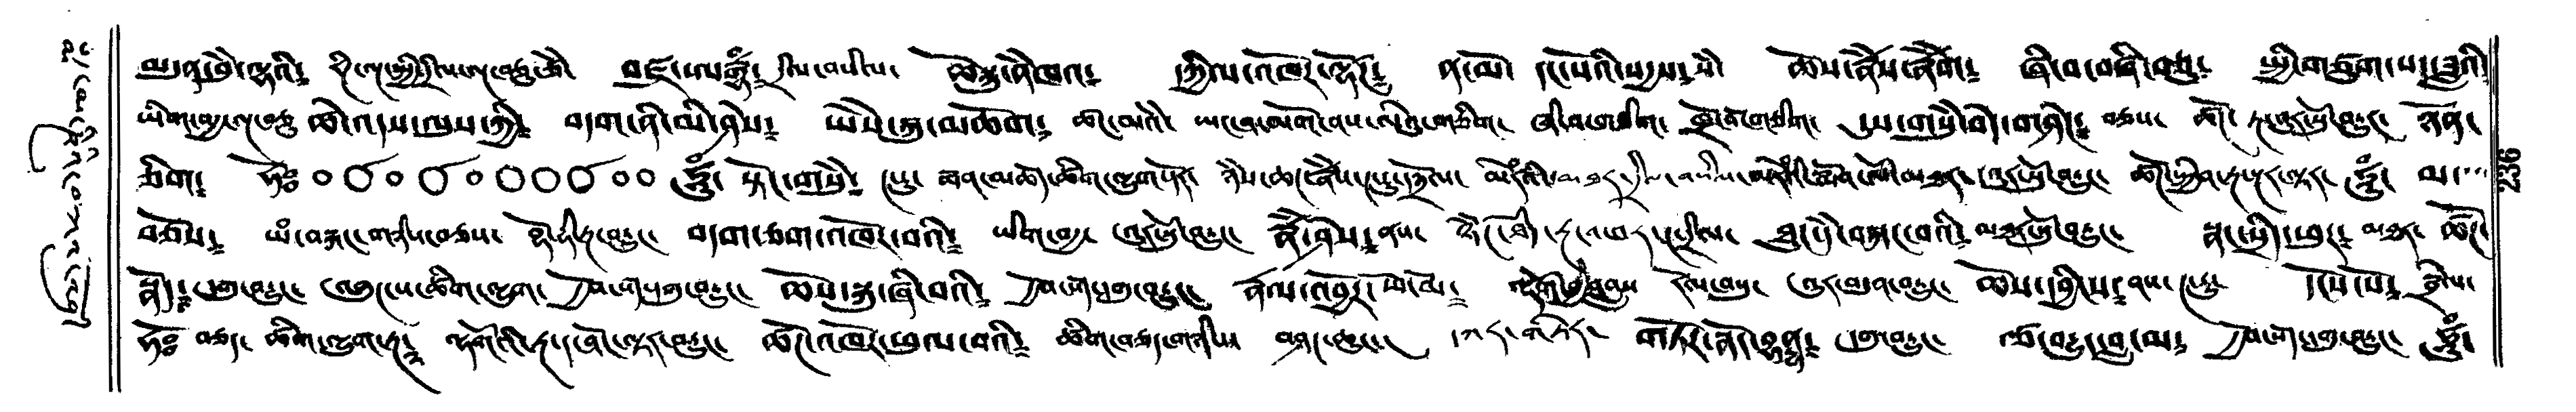མདུན་བུམ་ལྷའི༴ རིགས་ལྔ་སྤྱི་དྲིལ་ལྔ་བཅུ་ཙམ། བཛྲ་ཨརྒྷཾ༴ དྲིལ་བསིལ། ཆོས་སྐུ་ནམ་མཁའ༴ དཀྱིལ་འཁོར་ལྷ་ཚོགས༴ ན་མོ། དང་པོའི་སངས་རྒྱས༴ སམ། ཆོས་རྣམས་རྣམ་དག༴ ཞི་བ་ཞི་བཅུ༴ སྤྱི་གཙུག་པད་ཟླའི༴ 
ཡིག་བརྒྱ་ལྔ་བཅུ། ཚེ་འདས་ལུས་ཀྱི༴ བདག་ནི་མི་ཤེས༴ ཡེ་ཤེས་སྐུ་མཆོག༴ ཚང་མའམ། ཡང་ན་མགོ་ནས་ལེའུ་གཅིག ཞི་བ་གཅིག ཁྲོ་བོ་གཅིག དུས་གསུམ་བདེ་གཤེགས༴ བཅས། ཚོགས། རྔ་འུར་སུམ་རྡུང་། ཉོན་
ཅིག༴ ཧོཿ ཧཱུྃ༔ སྟོང་གསུམ༴ ཌཱ་རུ། སྨན་མཆོད་ཚིག་ལྷུག་དོར། ཉམ་ཆག་རྣམས་ཌཱ་རུ་དཀྲོལ། མར་མེའི་མཐར་དྲིལ་བསིལ་མར་མེའི་སྨོན་ལམ་མཐར། འུར་གསུམ་རྡུང་། ཚོགས་སྤྱན་འདྲེན་་རྔ་སྔར་ལྟར། ཧཱུྃ༔ མ་
བཅོས༴ ཡཾ་བསྐང་གཉིས་བཅས། བྷོ་དྷི་རྔ་བརྡུང་། བདག་ཅག་འཁོར་བའི༴ ཡིག་བརྒྱ། འུར་སུམ་རྡུང་། རྣམ་ཤེས༴ ནས། ཉམས་ཆག་ཐམས་ཅད་རྔ་འཕར་ཌཱ་དྲིལ། ཐུགས་དམ་བསྐང་བའི༴ མཐར་སུམ་རྡུང་། སྣང་སྲིད་ཕུར༴ མཐར། ཚོགས་
སྣོད༴ དགུ་རྡུང་། འགུགས་པ་ཚིག་ལྷུག རྒྱོབ་སོད་དགུ་རྡུང་། ཆོས་སྐུ་ཞི་བའི༴ རྒྱོབ་སོ་དགུ་རྡུང་། རྣལ་འབྱོར༴ ཕོ་མོ༴ ལྷག་མ་བྱིན་བརླབས། རོལ་བསུ། འུར་བདུན་རྡུང་། ཆོས་དབྱིངས༴ ནས་ཌཱ་རུ། དངོས་པོ༴ སྦྲེལ། 
ཧོཿ བཅད་ཚིག་ལྷུག་རྔ་གཉིས། ལྷག་མའི་རྔ་ད་ནངས་ལྟར་བརྡུང་། ཚོགས་འཁོར་ཕུལ་བའི༴ ཚིགས་བཅད་གཉིས། བཤགས་ཆུང་། དཀར་གཏོར། གཏོར་སྣོད་བྷནྡྷ༴ དགུ་རྡུང་། རྩ་བརྒྱུད་བླ་མ༴ རྒྱོབ་སོད་དགུ་རྡུང་། ཧཱུྃ༔